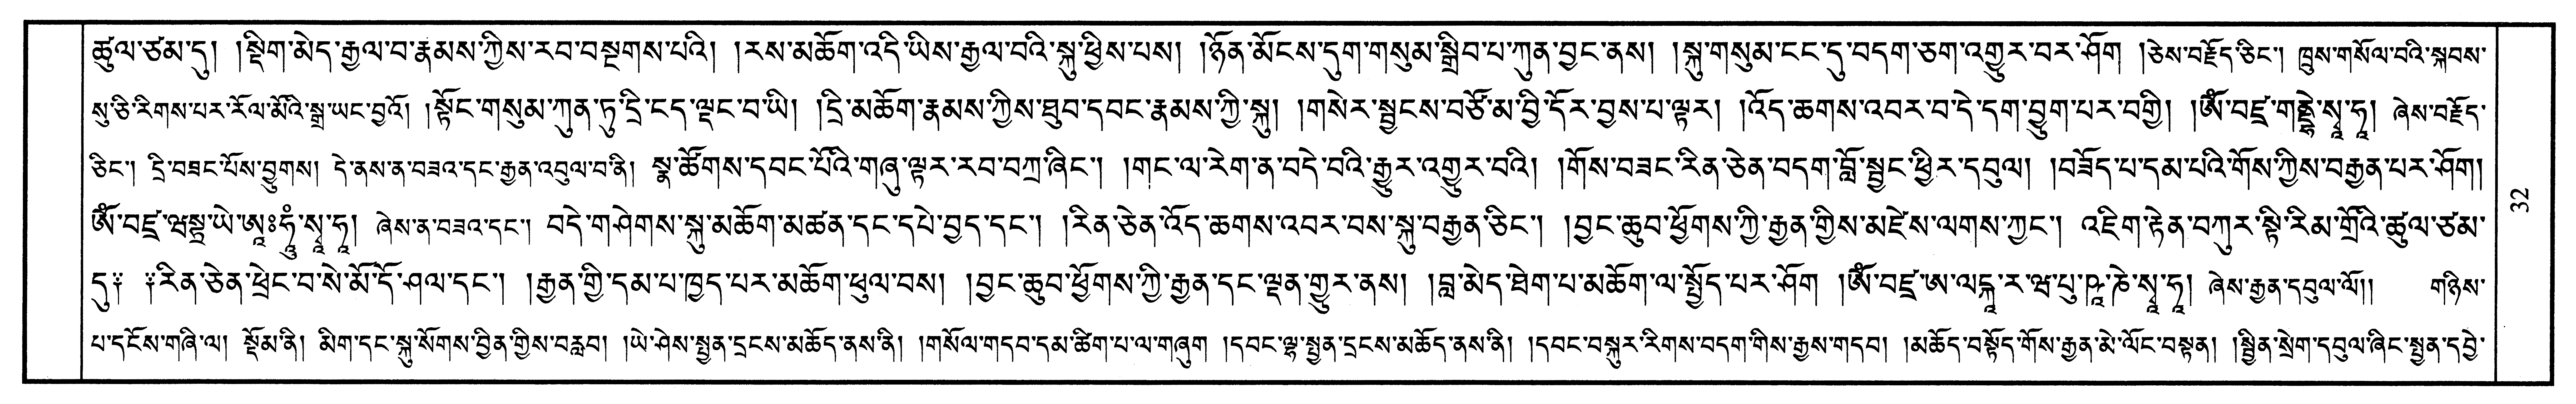ཚུལ་ཙམ་དུ། །སྡིག་མེད་རྒྱལ་བ་རྣམས་ཀྱིས་རབ་བསྔགས་པའི། །རས་མཆོག་འདི་ཡིས་རྒྱལ་བའི་སྐུ་ཕྱིས་པས། །ཉོན་མོངས་དུག་གསུམ་སྒྲིབ་པ་ཀུན་བྱང་ནས། །སྐུ་གསུམ་ངང་དུ་བདག་ཅག་འགྱུར་བར་ཤོག །ཅེས་བརྗོད་ཅིང་། ཁྲུས་གསོལ་བའི་སྐབས་
སུ་ཅི་རིགས་པར་རོལ་མོའི་སྒྲ་ཡང་བྱའོ། །སྟོང་གསུམ་ཀུན་ཏུ་དྲི་ངད་ལྡང་བ་ཡི། །དྲི་མཆོག་རྣམས་ཀྱིས་ཐུབ་དབང་རྣམས་ཀྱི་སྐུ། །གསེར་སྦྱངས་བཙོ་མ་བྱི་དོར་བྱས་པ་ལྟར། །འོད་ཆགས་འབར་བ་དེ་དག་བྱུག་པར་བགྱི། །ཨོཾ་བཛྲ་གནྡྷེ་སྭཱ་ཧཱ། ཞེས་བརྗོད་
ཅིང་། དྲི་བཟང་པོས་བྱུགས། དེ་ནས་ན་བཟའ་དང་རྒྱན་འབུལ་བ་ནི། སྣ་ཚོགས་དབང་པོའི་གཞུ་ལྟར་རབ་བཀྲ་ཞིང་། །གང་ལ་རེག་ན་བདེ་བའི་རྒྱུར་འགྱུར་བའི། །གོས་བཟང་རིན་ཅེན་བདག་བློ་སྦྱང་ཕྱིར་དབུལ། །བཟོད་པ་དམ་པའི་གོས་ཀྱིས་བརྒྱན་པར་ཤོག།
ཨོཾ་བཛྲ་ཝསྟྲ་ཡེ་ཨཱཿ ཧཱུཾ་སྭཱ་ཧཱ། ཞེས་ན་བཟའ་དང་། བདེ་གཤེགས་སྐུ་མཆོག་མཚན་དང་དཔེ་བྱད་དང་། །རིན་ཅེན་འོད་ཆགས་འབར་བས་སྐུ་བརྒྱན་ཅིང་། །བྱང་ཆུབ་ཕྱོགས་ཀྱི་རྒྱན་གྱིས་མཛེས་ལགས་ཀྱང་། འཇིག་རྟེན་བཀུར་སྟི་རིམ་གྲོའི་ཚུལ་ཙམ་
དུ༑ ༑རིན་ཅེན་ཕྲེང་བ་སེ་མོ་དོ་ཤལ་དང་། །རྒྱན་གྱི་དམ་པ་ཁྱད་པར་མཆོག་ཕུལ་བས། །བྱང་ཆུབ་ཕྱོགས་ཀྱི་རྒྱན་དང་ལྡན་གྱུར་ནས། །བླ་མེད་ཐེག་པ་མཆོག་ལ་སྤྱོད་པར་ཤོག །ཨོཾ་བཛྲ་ཨ་ལངྐཱ་ར་ཝ་པུ་ཥཱ་ཎེ་སྭཱ་ཧཱ། ཞེས་རྒྱན་དབུལ་ལོ།། གཉིས་
པ་དངོས་གཞི་ལ། སྡོམ་ནི། མིག་དང་སྐུ་སོགས་བྱིན་གྱིས་བརླབ། །ཡེ་ཤེས་སྤྱན་དྲངས་མཆོད་ནས་ནི། །གསོལ་གདབ་དམ་ཚིག་པ་ལ་གཞུག །དབང་ལྷ་སྤྱན་དྲངས་མཆོད་ནས་ནི། །དབང་བསྐུར་རིགས་བདག་གིས་རྒྱས་གདབ། །མཆོད་བསྟོད་གོས་རྒྱན་མེ་ལོང་བསྟན། །སྦྱིན་སྲེག་དབུལ་ཞིང་སྤྱན་དབྱེ་